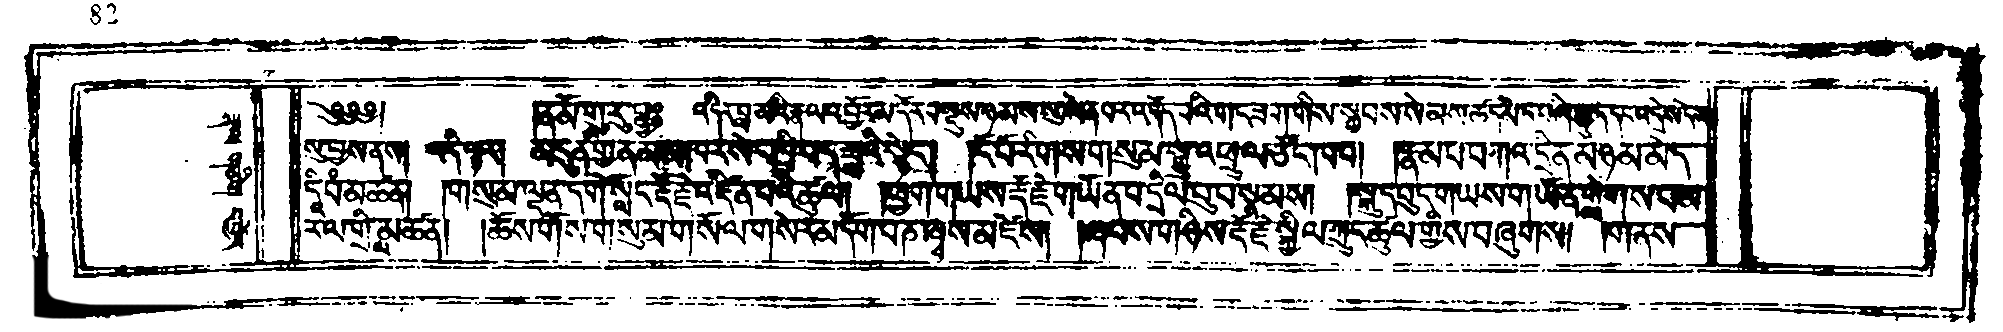༄༅༅། །ན་མོ་གུ་རུ་བྷྱཿ འདིར་བླ་མའི་རྣལ་འབྱོར་མདོར་བསྡུས་ཉམས་སུ་ལེན་པར་འདོད་མའི་གང་ཟག་གིས་སྐྱབས་སེམས་ཚད་མེད་བཞི་རྒྱུད་དང་འདྲེས་ངེས་
སུ་བྱས་ནས། འདི་ལྟར། མདུན་གྱི་ནམ་མཁར་སེང་ཁྲི་པད་ཟླའི་སྟེང་། །ངོ་བོ་རིགས་གསུམ་སྒྱུ་འཕྲུལ་ཙོང་ཁ་པ། །རྣམ་པ་བཀའ་དྲིན་མཉམ་མེད་
དཱི་བཾ་མཚན། །གསུམ་ལྡན་དགེ་སློང་རྡོ་རྗེ་འཛིན་པའི་ཚུལ། །ཕྱག་གཡས་རྡོ་རྗེ་གཡོན་པ་དྲིལ་བུ་བསྣམས། །སྐུ་དབུང་གཡས་གཡོན་གླེགས་བམ་
རལ་གྲིས་མཚན། །ཆོས་གོས་གསུམ་གསོལ་གསེར་མདོག་པཎ་ཞྭས་མཛེས། །ཞབས་གཉིས་རྡོ་རྗེ་སྐྱིལ་གྲུང་ཚུལ་གྱིས་བཞུགས། །གནས་